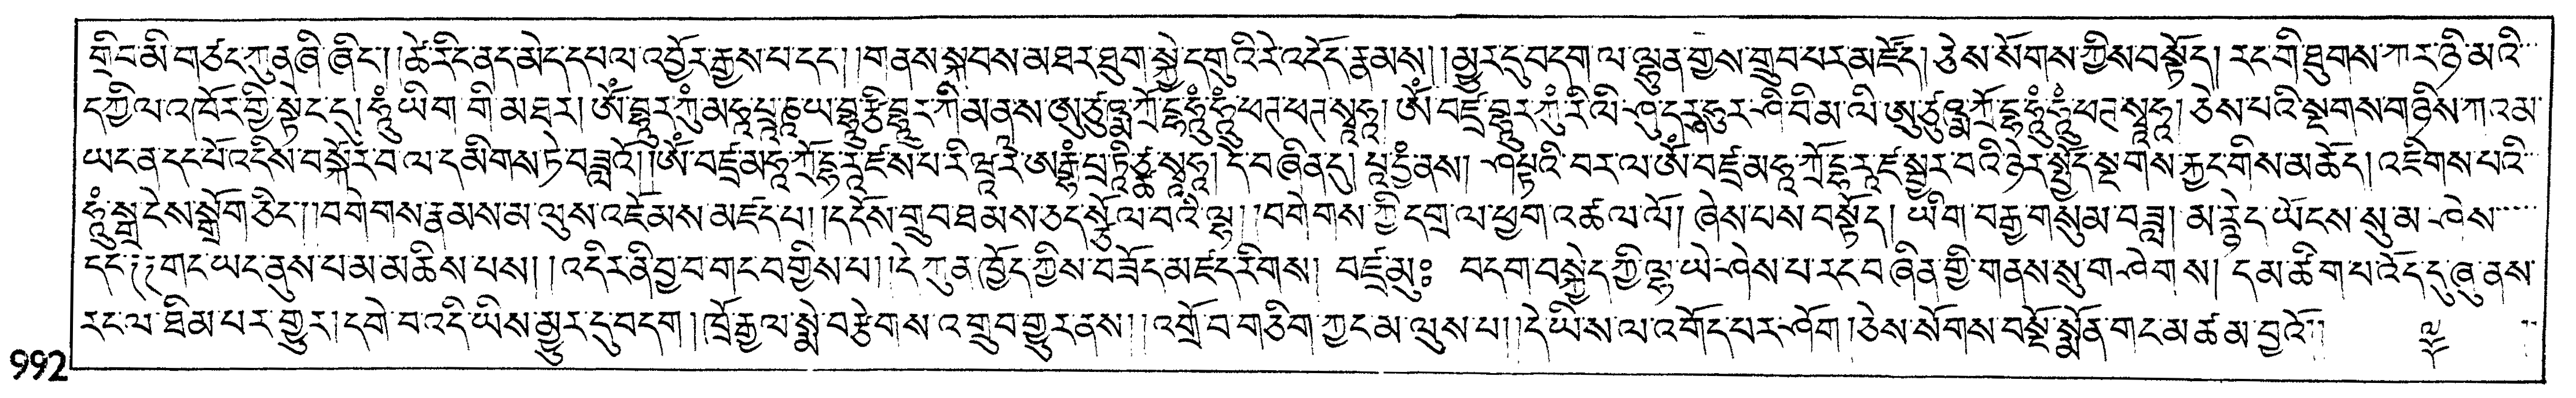གྲིབ་མི་གཙང་ཀུན་ཞི་ཞིང་། །ཚེ་རིང་ནད་མེད་དཔལ་འབྱོར་རྒྱས་པ་དང་། །གནས་སྐབས་མཐར་ཐུག་སྐྱེ་དགུའི་རེ་འདོད་རྣམས། །མྱུར་དུ་བདག་ལ་ལྷུན་གྱིས་གྲུབ་པར་མཛོད། ཅེས་སོགས་ཀྱིས་བསྟོད། རང་གི་ཐུགས་ཀར་ཉི་མའི་
དཀྱིལ་འཁོར་གྱི་སྟེང་དུ། ཧཱུཾ་ཡིག་གི་མཐར། ཨོཾ་བྷཱུར་ཀུཾ་མཧཱ་པྲཱ་ཎཱ་ཡ་བྷཱུ་རྩི་བྷཱུར་ཀི་ནཱ་ས་ཨུ་ཙུ་ཥྨ་ཀྲོ་དྷ་ཧཱུཾ་ཧཱུཾ་ཕཊ་ཕཊ་སྭཱཧཱ། ཨོཾ་བཛྲ་བྷཱུར་ཀུཾ་རི་ལི་ཤུ་དརྵ་ཧུར་ཤི་བི་མ་ལི་ཨུ་ཙུཥྨ་ཀྲོ་དྷ་ཧཱུཾ་ཧཱུཾ་ཕཊ་ཕཊ་སྭཱཧཱ། ཅེས་པའི་སྔགས་གཉིས་ཀ་འམ་
ཡང་ན་དང་པོ་འདིས་བསྐོར་བ་ལ་དམིགས་ཏེ་བཟླའོ། །ཨོཾ་བཛྲ་མཧཱ་ཀྲོ་དྷ་རཱ་ཛ་ས་པ་རི་ཝཱ་ར་ཨརྒྷཾ་པྲ་ཏཱི་ཙྪ་སྭཱཧཱ། དེ་བཞིན་དུ། པཱ་དྱཾ་ནས། ཤཔྟའི་བར་ལ་ཨོཾ་བཛྲ་མཧཱ་ཀྲོ་དྷ་རཱ་ཛ་སྦྱར་བའི་ཉེར་སྤྱོད་སྔགས་རྐྱང་གིས་མཆོད། འཇིགས་པའི་
ཧཱུཾ་སྒྲ་ངེས་སྒྲོག་ཅིང་། །བགེགས་རྣམས་མ་ལུས་འཇོམས་མཛད་པ། །དངོས་གྲུབ་ཐམས་ཅད་སྩོལ་བའི་ལྷ། །བགེགས་ཀྱི་དགྲ་ལ་ཕྱག་འཚལ་ལོ། ཞེས་པས་བསྟོད། ཡིག་བརྒྱ་གསུམ་བཟླ། མ་རྙེད་ཡོངས་སུ་མ་ཤེས་
དང༑ ༑གང་ཡང་ནུས་པ་མ་མཆིས་པས། །འདིར་ནི་བྱ་བ་གང་བགྱིས་པ། །དེ་ཀུན་ཁྱོད་ཀྱིས་བཟོད་མཛད་རིགས། བཛྲ་མུཿ བདག་བསྐྱེད་ཀྱི་ལྷ་ཡེ་ཤེས་པ་རང་བཞིན་གྱི་གནས་སུ་གཤེགས། དམ་ཚིག་པ་འོད་དུ་ཞུ་ནས་
རང་ལ་ཐིམ་པར་གྱུར། དགེ་བ་འདི་ཡིས་མྱུར་དུ་བདག །ཁྲོ་རྒྱལ་སྨེ་བརྩེགས་འགྲུབ་གྱུར་ནས། །འགྲོ་བ་གཅིག་ཀྱང་མ་ལུས་པ། །དེ་ཡི་ས་ལ་འགོད་པར་ཤོག །ཅེས་སོགས་བསྔོ་སྨོན་གང་མཚམ་བྱའོ།། ༈ །།